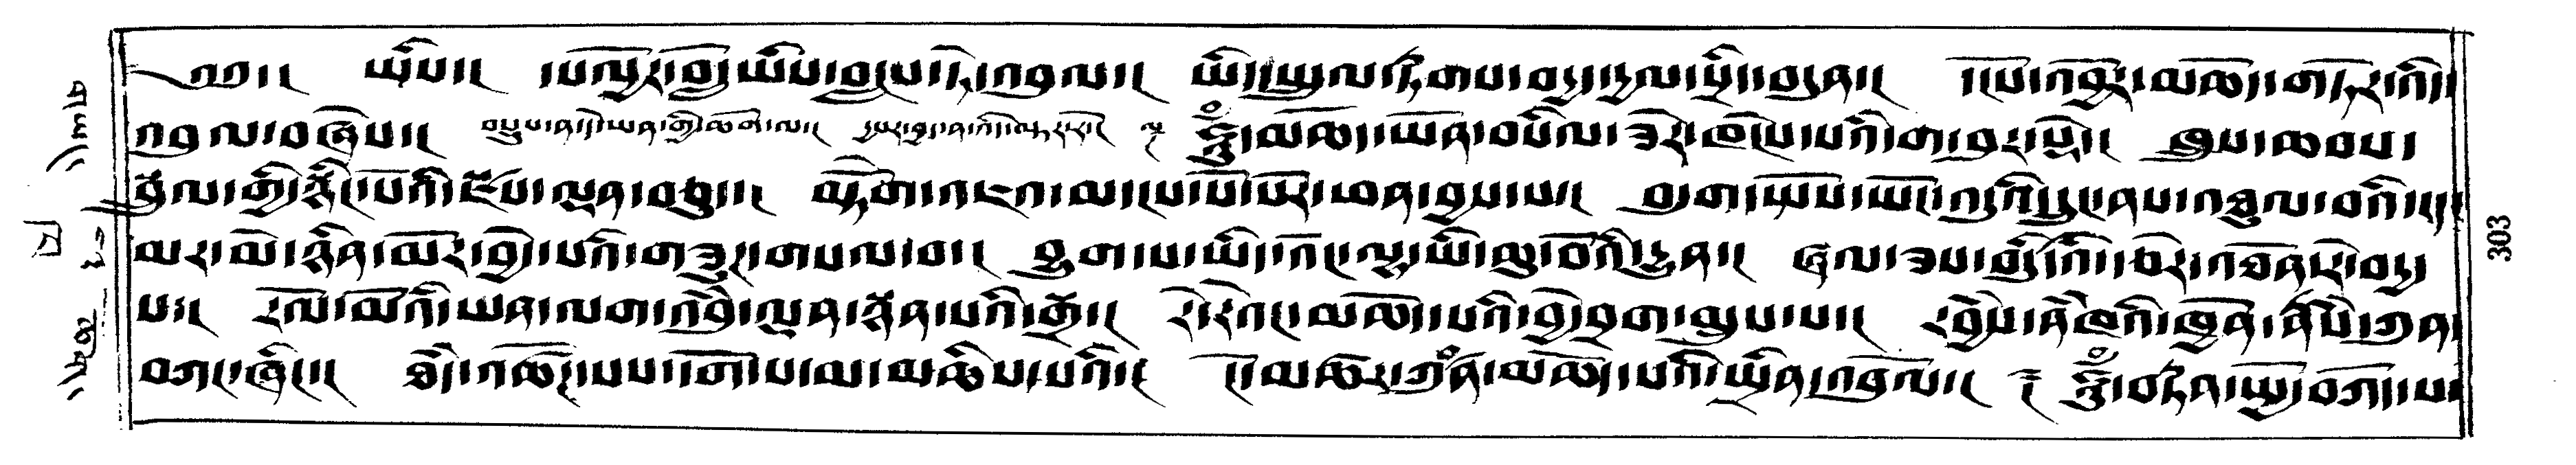ཡི། །དཔལ་འབྱོར་བློ་ཡིས་བླངས་ཏེ་འབུལ། །ཡིད་སྤྲུལ་རྟགས་བརྒྱད་རྒྱལ་སྲིད་བདུན། །དངོས་འབྱོར་མཆོད་གཏོར་འདི་
འབུལ་བཞེས།།བསྡུས་ན་དེ་ཡན་གྱི་ཆོག་ལ། རྒྱས་པར་བྱེད་ན་འདི་ལྟར་རོ།། ༈ ཧཱུྃ། མཆོད་ཡོན་བསིལ་ཟེར་ཁེངས་པའི་ག་བུར་སྡེ། ཁྲུས་ཆབ་
སྦྲུལ་གྱི་སྙིང་པོའི་རྫས་ལྡན་བཅུད། །མེ་ཏོག་འཇའ་མདངས་སོ་སོར་ཕན་བྱས་པ། །བདུག་སྤོས་ཡོངས་འདུའི་དྲུང་ནས་འཐུལ་བའི་ངད། །
མར་མེ་ཉིན་མོར་བྱེད་པའི་གཟུགས་གསལ་བ། །བྱུག་པ་ཡིད་འོང་ལྷ་ཡི་ཆུ་བོའི་རྒྱུན། ཞལ་ཟས་བདུད་རྩིའི་རྩེར་འཐོན་རེ་བརྒྱ་
པ། །རོལ་མོའི་ཡན་ལག་འབུམ་ལྡན་སྙན་པའི་སྒྲ། །རེ་རེའང་མཆོད་པའི་བྱེ་བྲག་མ་ལུས་པ། །རབ་འབྱམས་ནམ་མཁའི་ཁྱོན་རྣམས་ཀུན་
བཀང་ཞིང་། །ཐམས་ཅད་འཚོགས་པས་དོག་པ་མ་མཆིས་པའི། །ངོ་མཚར་ཀུན་བཟང་མཆོད་པའི་སྤྲིན་འབུལ་ལོ།། ༈ ཧཱུྃ། བརྟན་གཡོའི་བཀོད་པ་